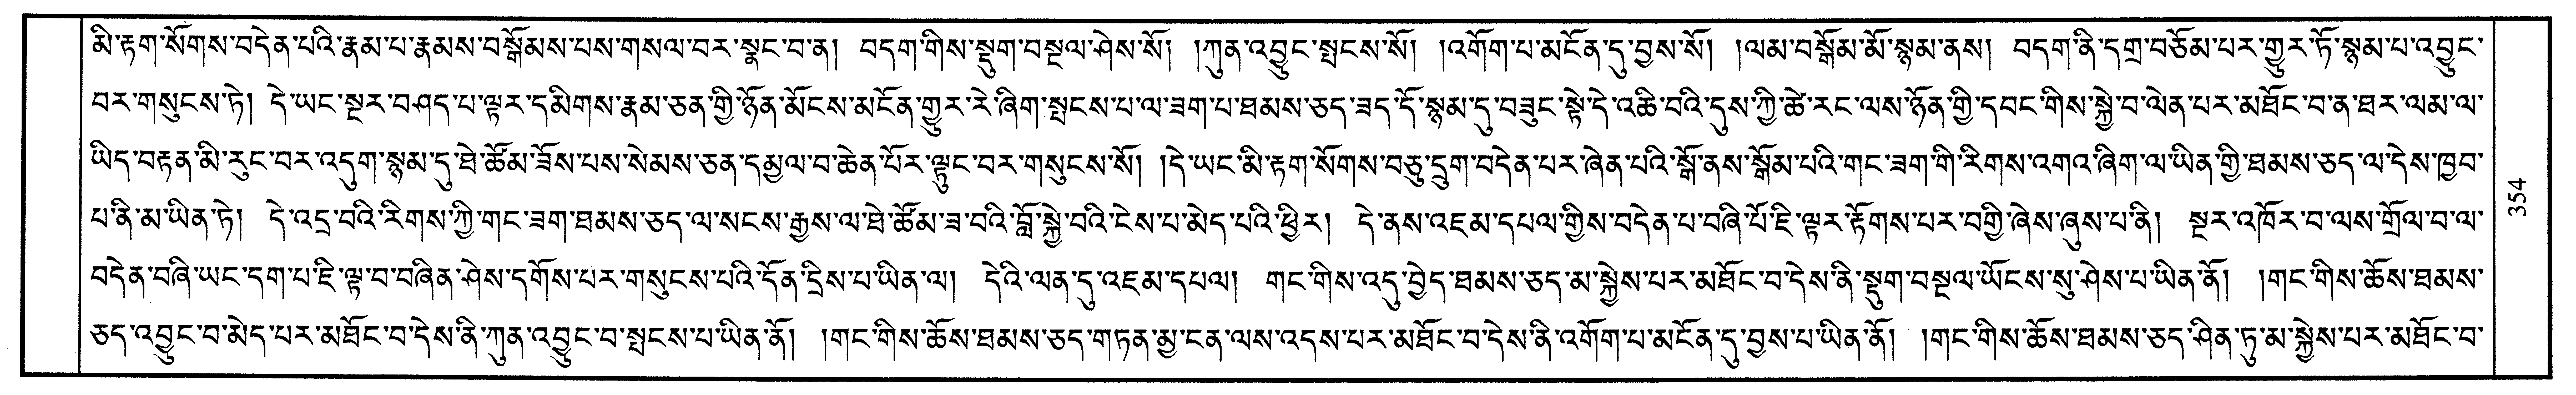མི་རྟག་སོགས་བདེན་པའི་རྣམ་པ་རྣམས་བསྒོམས་པས་གསལ་བར་སྣང་བ་ན། བདག་གིས་སྡུག་བསྔལ་ཤེས་སོ། །ཀུན་འབྱུང་སྤངས་སོ། །འགོག་པ་མངོན་དུ་བྱས་སོ། །ལམ་བསྒོམ་མོ་སྙམ་ནས། བདག་ནི་དགྲ་བཅོམ་པར་གྱུར་ཏོ་སྙམ་པ་འབྱུང་
བར་གསུངས་ཏེ། དེ་ཡང་སྔར་བཤད་པ་ལྟར་དམིགས་རྣམ་ཅན་གྱི་ཉོན་མོངས་མངོན་གྱུར་རེ་ཞིག་སྤངས་པ་ལ་ཟག་པ་ཐམས་ཅད་ཟད་དོ་སྙམ་དུ་བཟུང་སྟེ་དེ་འཆི་བའི་དུས་ཀྱི་ཚེ་རང་ལས་ཉོན་གྱི་དབང་གིས་སྐྱེ་བ་ལེན་པར་མཐོང་བ་ན་ཐར་ལམ་ལ་
ཡིད་བརྟན་མི་རུང་བར་འདུག་སྙམ་དུ་ཐེ་ཚོམ་ཟོས་པས་སེམས་ཅན་དམྱལ་བ་ཆེན་པོར་ལྟུང་བར་གསུངས་སོ། །དེ་ཡང་མི་རྟག་སོགས་བཅུ་དྲུག་བདེན་པར་ཞེན་པའི་སྒོ་ནས་སྒོམ་པའི་གང་ཟག་གི་རིགས་འགའ་ཞིག་ལ་ཡིན་གྱི་ཐམས་ཅད་ལ་དེས་ཁྱབ་
པ་ནི་མ་ཡིན་ཏེ། དེ་འདྲ་བའི་རིགས་ཀྱི་གང་ཟག་ཐམས་ཅད་ལ་སངས་རྒྱས་ལ་ཐེ་ཚོམ་ཟ་བའི་བློ་སྐྱེ་བའི་ངེས་པ་མེད་པའི་ཕྱིར། དེ་ནས་འཇམ་དཔལ་གྱིས་བདེན་པ་བཞི་པོ་ཇི་ལྟར་རྟོགས་པར་བགྱི་ཞེས་ཞུས་པ་ནི། སྔར་འཁོར་བ་ལས་གྲོལ་བ་ལ་
བདེན་བཞི་ཡང་དག་པ་ཇི་ལྟ་བ་བཞིན་ཤེས་དགོས་པར་གསུངས་པའི་དོན་དྲིས་པ་ཡིན་ལ། དེའི་ལན་དུ་འཇམ་དཔལ། གང་གིས་འདུ་བྱེད་ཐམས་ཅད་མ་སྐྱེས་པར་མཐོང་བ་དེས་ནི་སྡུག་བསྔལ་ཡོངས་སུ་ཤེས་པ་ཡིན་ནོ། །གང་གིས་ཆོས་ཐམས་
ཅད་འབྱུང་བ་མེད་པར་མཐོང་བ་དེས་ནི་ཀུན་འབྱུང་བ་སྤངས་པ་ཡིན་ནོ། །གང་གིས་ཆོས་ཐམས་ཅད་གཏན་མྱ་ངན་ལས་འདས་པར་མཐོང་བ་དེས་ནི་འགོག་པ་མངོན་དུ་བྱས་པ་ཡིན་ནོ། །གང་གིས་ཆོས་ཐམས་ཅད་ཤིན་ཏུ་མ་སྐྱེས་པར་མཐོང་བ་